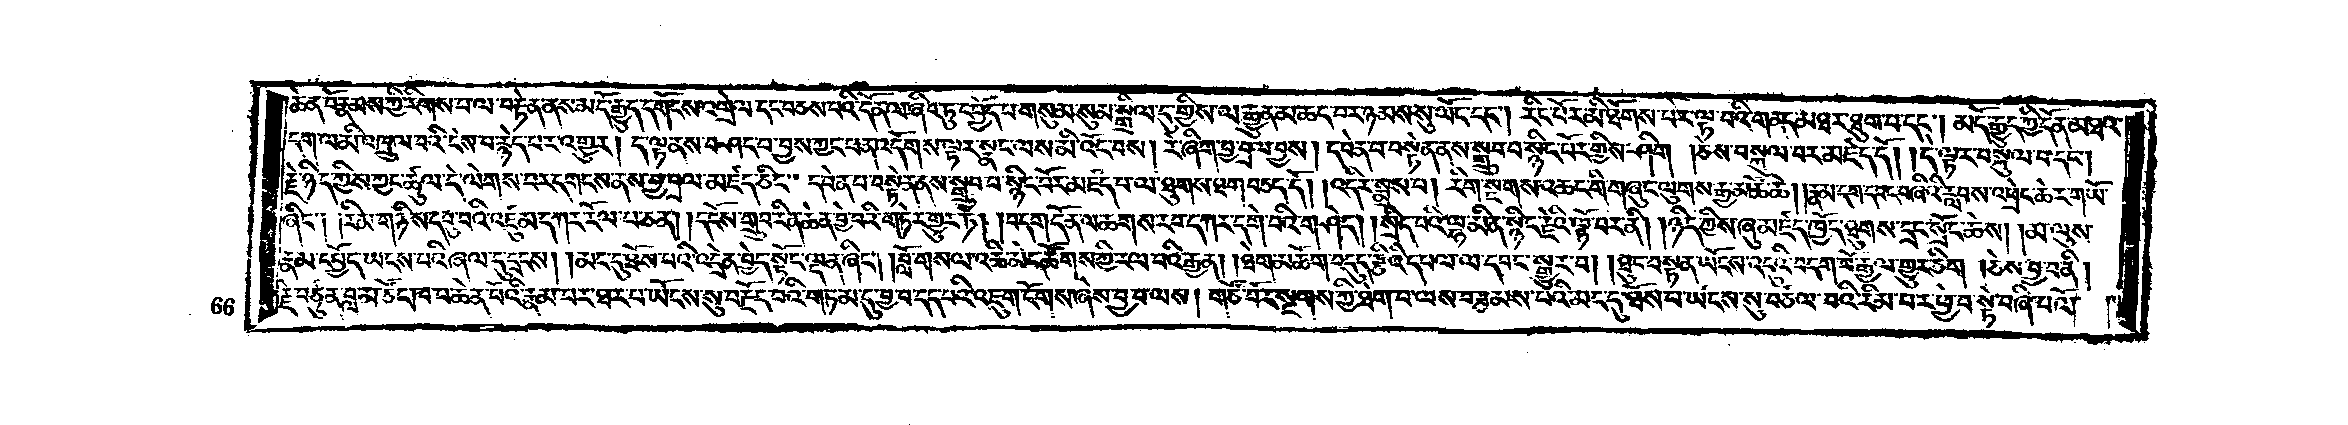ཆེན་པོ་རྣམས་ཀྱི་རིགས་པ་ལ་བརྟེན་ནས་མདོ་རྒྱུད་དགོངས་འགྲེལ་དང་བཅས་པའི་དོན་ལ་ཞིབ་ཏུ་དཔྱོད་པ་གསུམ་སུམ་སྒྲིལ་དུ་གྱིས་ལ་རྒྱུན་མ་ཆད་པར་ཉམས་སུ་ལོང་དང་། རིང་པོར་མི་ཐོགས་པར་ལྟ་བའི་གནད་མཐར་ཐུག་པ་དང་། མདོ་རྒྱུད་ཀྱི་དོན་མཐའ་
དག་ལ་མི་འཁྲུལ་བའི་ངེས་པ་རྙེད་པར་འགྱུར། ད་ལྟ་ནས་བཤད་པ་བྱས་ཀྱང་ཕན་འདོགས་ལྟར་སྣང་ལས་མི་འོང་བས། རེ་ཞིག་བྱ་བྲལ་བྱས། དབེན་པ་བསྟེན་ནས་སྒྲུབ་པ་སྙིང་པོར་གྱིས་ཤིག །ཅེས་བསྐུལ་བར་མཛད་དོ། །དེ་ལྟར་བསྐུལ་བ་དང་།
རྗེ་ཉིད་ཀྱིས་ཀྱང་ཚུལ་དེ་ལེགས་པར་དགངས་ནས་བྱ་བྲལ་མཛད་ཅིང་དབེན་པ་བསྟེན་ནས་སྒྲུབ་པ་སྙིང་པོར་མཛད་པ་ལ་ཐུགས་ཐག་བཅད་དོ། །འདིར་སྨྲས་པ། རིག་སྔགས་འཆང་གི་གཞུང་ལུགས་རྒྱ་མཚོ་ཆེ། །རྣམ་དག་དབང་བཞིའི་རླབས་འཕྲེང་ཆེར་གཡོ་
ཞིང༑ ༑རིམ་གཉིས་དབུ་བའི་འཛུམ་དཀར་རོལ་པ་ཅན། །དངོས་གྲུབ་རིན་ཆེན་བྱེ་བའི་གཏེར་གྱུར་ཏེ། །བདག་དོན་ལ་ཆགས་རབ་དཀར་དགེ་བའི་གཤེད། །སྲིད་པའི་ལྷ་མིན་སྙིང་རྗེའི་ལྟོ་བར་ནི། །ཉིད་ཀྱིས་ཞུ་མཛད་ཁྱོད་ཐུགས་དྲང་སྲོང་ཆེས། །མ་ལུས་
རྣམ་དཔྱོད་ཡངས་པའི་ཞལ་དུ་དྲངས། །མང་དུ་ཐོས་པའི་འདྲེན་བྱེད་སྟོང་ལྡན་ཞིང་། །བློ་གསལ་འཆི་མེད་ཚོགས་ཀྱི་རལ་བའི་རྒྱན། །ཐེག་མཆོག་བདུད་རྩིའི་དཔལ་ལ་དབང་སྒྱུར་བ། །ཐུང་བསྟན་ཡོངས་འདུའི་བདག་པོ་རྒྱལ་གྱུར་ཅིག །ཅེས་བྱ་བ་ནི།
རྗེ་བཙུན་བླ་མ་ཙོང་ཁ་པ་ཆེན་པོའི་རྣམ་པར་ཐར་པ་ཡོངས་སུ་བརྗོད་པའི་གཏམ་དུ་བྱ་བ་དད་པའི་འཇུག་དོགས་ཞེས་བྱ་བ་ལས། གཙོ་བོར་སྔགས་ཀྱི་ཐེག་པ་ལས་བརྩམས་པའི་མང་དུ་ཐོས་པ་ཡོངས་སུ་བཙལ་བའི་རིམ་པར་ཕྱེ་བ་སྟེ་བཞི་པའོ། །